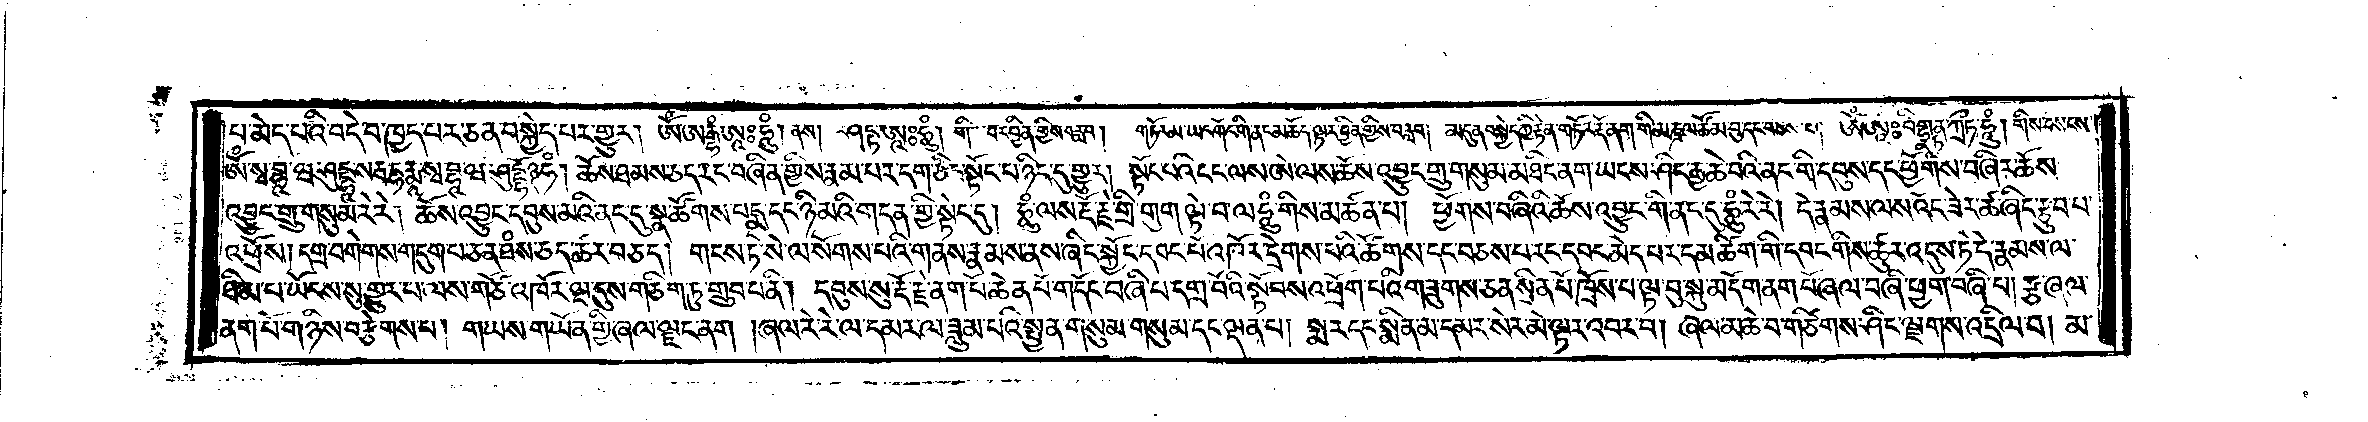བ་མེད་པའི་བདེ་བ་ཁྱད་པར་ཅན་བསྐྱེད་པར་གྱུར། ཨོཾ་ཨརྒྷཾ་ཨཱཿཧཱུཾ། ནས།  ཤདྟ་ཨཱཿཧཱུཾ། གི་བར་བྱིན་གྱིས་བརླབ། གཏོར་མ་ཡང་གོང་གི་ནང་མཆོད་ལྟར་བྱིན་གྱིས་བརླབ། མདུན་བསྐྱེད་ཀྱི་རྟེན་གཏོར་རྡོ་ནག་གི་མཎྜལ་ཚོམ་བུ་དང་བཅས་པ།  ཨོཾ་ཨཱཿབིགྷཱ་ནྟ་ཀྲྀཏ་ཧཱུཾ། གིས་བསངས།
ཨོཾ་སྭ་བྷཱ་ཝ་ཤུདྡྷཱ་སརྦ་དྷརྨཱ་སྭབྷཱ་ཝ་ཤུདྡྷོཉཧཾ། ཆོས་ཐམས་ཅད་རང་བཞིན་གྱིས་རྣམ་པར་དག་ཅིང་སྟོང་པ་ཉིང་དུ་གྱུར། སྟོང་པའི་ངང་ལས་ཨེ་ལས་ཆོས་འབྱུང་གྲུ་གསུམ་མཐིང་ནག་ཡངས་ཤིང་རྒྱ་ཆེ་བའི་ནང་གི་དབུས་དང་ཕྱོགས་བཞིར་ཆོས་
འབྱུང་གྲུ་གསུམ་རེ་རེ། ཆོས་འབྱུང་དབུས་མའི་ནང་དུ་སྣ་ཚོགས་པདམ་དང་ཉི་མའི་གདན་གྱི་སྟེང་དུ། ཧཱུཾ་ལས་རྡོ་རྗེ་གྲི་གུག་ལྟེ་བ་ལ་ཧཱུཾ་གིས་མཚན་པ། ཕྱོགས་བཞིའི་ཆོས་འབྱུང་གི་ནང་དུ་ཧཱུཾ་རེ་རེ། དེ་རྣམས་ལས་འོད་ཟེར་ཚ་ཞིང་རྩུབ་པ་
འཕྲོས། དགྲ་བགེགས་གདུག་པ་ཅན་ཐཾས་ཅད་ཚར་བཅད། གངས་ཏེ་སེ་ལ་སོགས་པའི་གནས་རྣམས་ནས་ཞིང་སྐྱོང་དབང་པོ་འཁོར་དྲེགས་པའི་ཚོགས་དང་བཅས་པ་རང་དབང་མེད་པར་དམ་ཚིག་གི་དབང་གིས་ཚུར་འདུས་ཏེ་དེ་རྣམས་ལ་
ཐིམ་པ་ཡོངས་སུ་གྱུར་པ་ལས་གཙོ་འཁོར་ལྔ་དུས་གཅིག་ཏུ་གྲུབ་པ་ནི། དབུས་སུ་རྡོ་རྗེ་ནག་པོ་ཆེན་པོ་གདོང་བཞི་པ་དགྲ་བོའི་སྟོབས་འཕྲོག་པའི་གཟུགས་ཅན་སྲིན་པོ་ཁྲོས་པ་ལྟ་བུ་སྐུ་མདོག་ནག་པོ་ཞལ་བཞི་ཕྱག་བཞི་པ། རྩ་ཞལ་
ནག་པོ་གཉིས་བརྩེགས་པ། གཡས་གཡོན་གྱི་ཞལ་ལྗང་ནག །ཞལ་རེ་རེ་ལ་དམར་ལ་ཟླུམ་པའི་སྤྱན་གསུམ་གསུམ་དང་ལྡན་པ། སྨར་དང་སྨིན་མ་དམར་སེར་མེ་ལྟར་འབར་བ། ཞལ་མཆེ་བ་གཙིགས་ཤིང་ལྗགས་འདྲིལ་བ། མ་